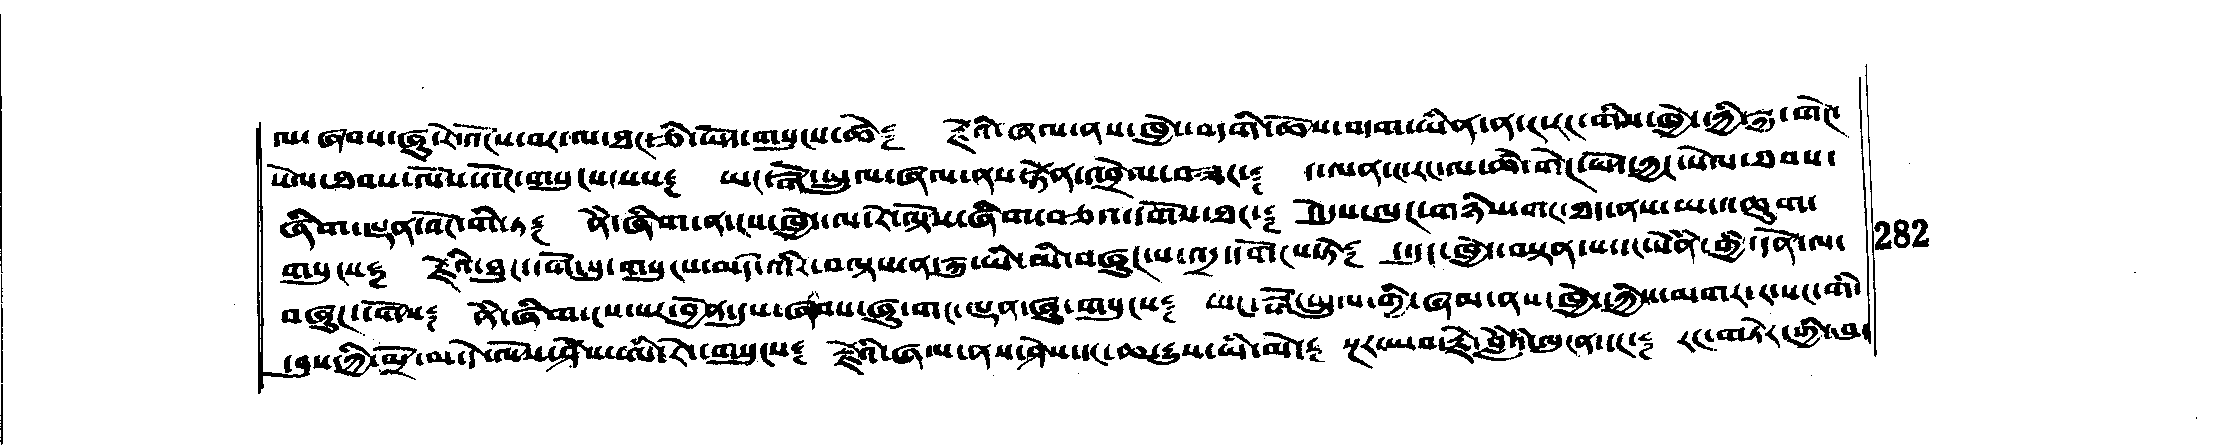ལ་ཞབས་ཞུ་རེ་འོངས་བར་ལ་ཐང་ཅི་ཡོད་གསུངས་ཚེ། རྗེའི་ཞལ་ནས་ཁྱོད་བདག་གི་ཆོས་བདག་ཡིན་ན་ང་རང་གིས་ཁྱོད་ཀྱི་སྐུ་གེགས་
སེལ་ཐབས་ལོས་འོང་གསུངས་པས།ཡང་སྒོ་སྤྲུལ་ཞལ་ནས་རྟེན་འབྲེལ་བཟང་། ད་ལན་ང་རང་ལ་ཚེ་གེགས་ཡོད་ཀྱང་སེལ་ཐབས་
ཞིག་ལྡན་འོང་གི་ཏ། ནམ་ཞིག་ན་ངས་ཁྱེད་ལ་རེ་ལྟོས་ཞིག་བཅའ་དགོས་ཐང་། དེ་དུས་ལུགས་གཉིས་གང་ཐད་ནས་མ་འཆུག་
གསུངས། རྗེའི་ཐུགས་དགོངས་སུ་གསུང་མཛད་འདིར་བལྟས་ན་སྐུ་མི་བཞུགས་པ་འདྲ་དགོངས་ཏེ། ད་དུང་ཁྱེད་བསྟན་པ་དང་སེམས་ཅན་གྱི་དོན་ལ་
བཞུགས་དགོས། ནམ་ཞིག་ང་སར་བྱོན་དུས་ཞབས་ཞུ་གང་ལྡན་ཞུ་གསུངས། ཡང་སྒོ་སྤྲུལ་གྱི་ཞལ་ནས་ཁྱེད་ཀྱིས་མགར་ར་སང་གི་
དབུས་ཀྱི་མཁའ་འགྲོ་མ་དེ་ལོས་ཤེས་ཨི་རེད་གསུངས། རྗེའི་ཞལ་ནས་ཤེས་དང་ཆ་རྒྱུས་ཡེ་མེད། སྔར་ཡབ་རྗེ་བླ་མའི་ལུང་བསྟན་དང་། རང་གཏེར་གྱི་ཁ་